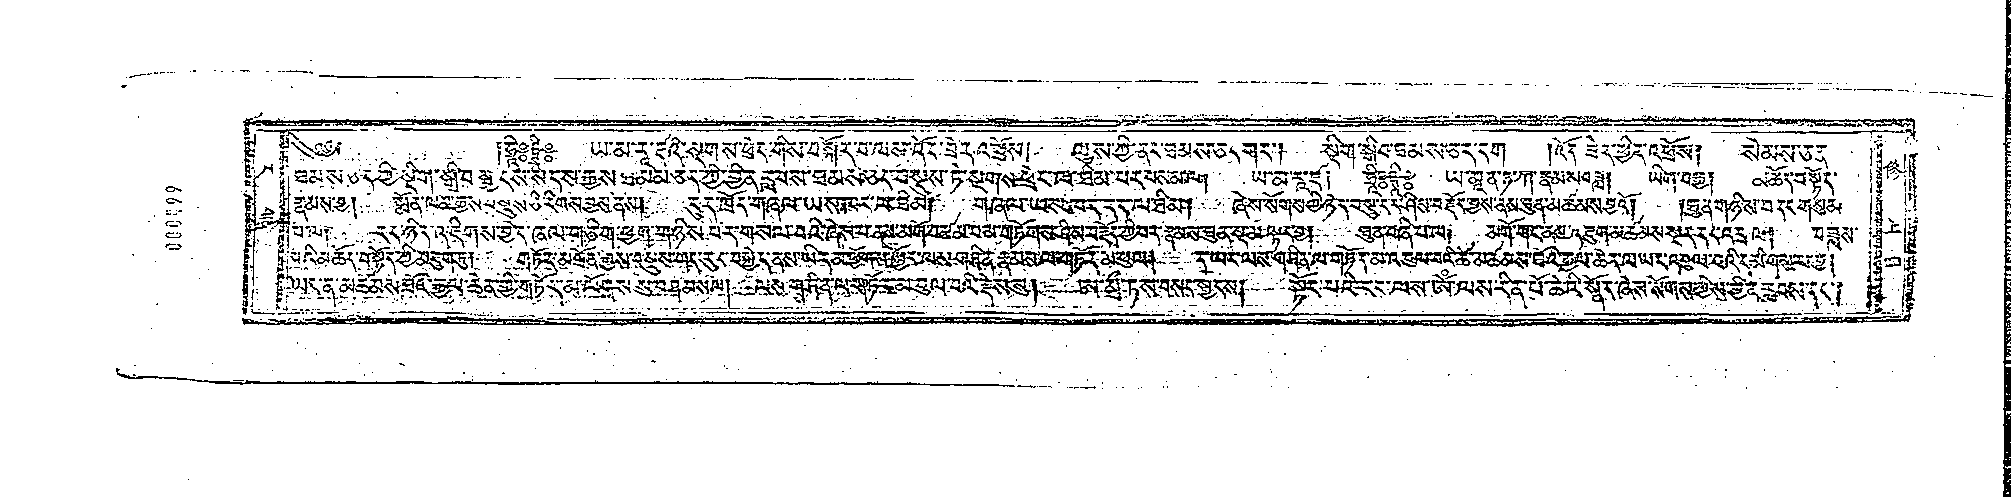༄༅། །ཧྲཱིཿ་ཥྚྲཱིཿ་ཡ་མ་རཱ་ཛའི་སྔགས་ཕྲེང་གིས་བསྐོར་བ་ལས་འོད་ཟེར་འཕྲོས། ལུས་ཀྱི་ནང་ཐམས་ཅད་གང་། སྡིག་སྒྲིབ་ཐམས་ཅད་དག །འོད་ཟེར་ཕྱིར་འཕྲོས། སེམས་ཅན་
ཐམས་ཅད་ཀྱི་སྡིག་སྒྲིབ་སྦྱངས་སངས་རྒྱས་ཐམས་ཅད་ཀྱི་བྱིན་རླབས་ཐམས་ཅད་བསྡུས་ཏེ་སྔགས་ཕྲེང་ལ་ཐིམ་པར་བསམ་ལ། ཡ་མ་རཱ་ཛ། ཧྲཱིཿ་ཥྚྲཱིཿ་ཡ་མཱན་ཏ་ཀ་རྣམས་བཟླ། ཡིག་བརྒྱ། མཆོད་བསྟོད་
རྣམས་བྱ། སྨོན་ལམ་རྒྱས་བསྡུས་ཅི་རིགས་བྱས་ནས། དུར་ཁྲོད་གཞལ་ཡས་ཁང་ལ་ཐིམ། གཞལ་ཡས་ཁང་རང་ལ་ཐིམ། ཞེས་སོགས་ཀྱི་ཉེད་བསྡུ་དར་ཤིས་བརྗོད་བྱས་ནས་ཐུན་མཚམས་བྱའོ། །ཐུན་གཉིས་བ་དང་གསུམ་
པ་ལ། རང་ཉིད་འཇིགས་བྱེད་ཞལ་གཅིག་ཕྱག་གཉིས་པར་གསལ་བའི་ཞེས་པ་ནས་མགོ་བརྩམ་པ་མ་གཏོགས་ཤིས་བརྗོད་ཀྱི་བར་རྣམས་ཐུན་སྔ་མ་ལྟར་བྱ། ཐུན་བཞི་པ་ལ། མགོ་གང་ནས་འཇུག་མཚམས་སྔར་དང་འདྲ་ལ། བཟླས་
པའི་མཆོད་བསྟོད་ཀྱི་མཇུག་ཏུ། གཏོར་མགྲོན་རྒྱས་བསྡུས་གང་རུང་བསྐྱེད་ནས་ཡི་དམ་ཕྱོགས་སྐྱོང་ལས་གཤིན་རྣམས་ལ་གཏོར་མ་འབུལ། དེ་ཡང་ལས་གཤིན་ལ་གཏོར་མ་འབུལ་བའི་ཚེ་མཚམས་ཐོའི་རྒྱལ་ཆེན་ལ་ཡང་འབུལ་བའི་དམིགས་པ་བྱ།
ཡང་ན་མཚམས་ཐོའི་རྒྱལ་ཆེན་གྱི་གཏོར་མ་ལོགས་སུ་བཤམས་ལ། ལས་གཤིན་ལ་གཏོར་མ་ཕུལ་བའི་རྗེས་སུ། ཨ་མྲྀ་ཏས་བསང་སྦྱངས། སྟོང་པའི་དང་ལས་ཨོཾ་ལས་རིན་པོ་ཆེའི་སྣོད་ཞེས་སོགས་ཀྱིས་བྱིན་རླབས་དང་།